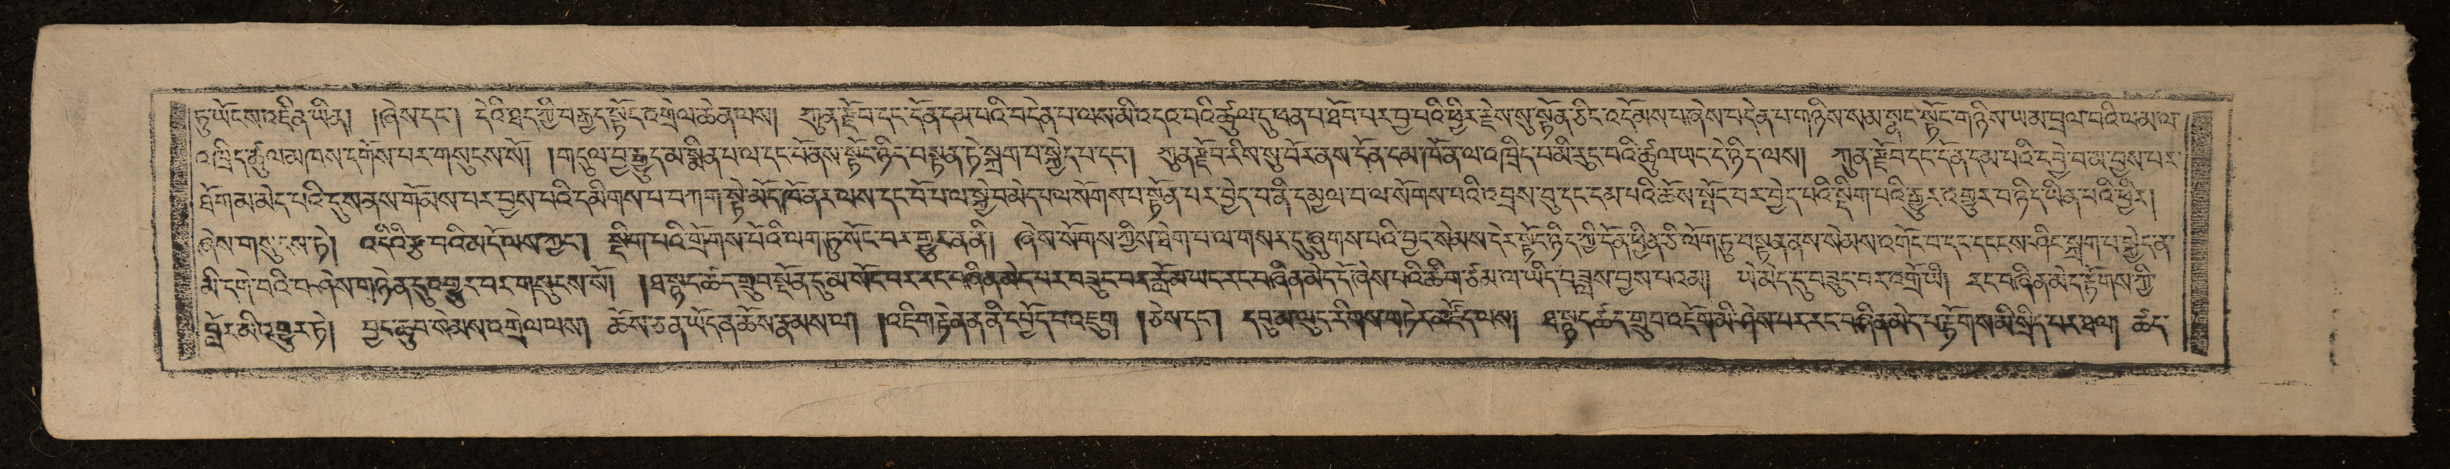ཏུ་ཡོངས་འཛིན་ཡིན། །ཞེས་དང་། དེའི་ཐད་ཀྱི་བརྒྱད་སྟོང་འགྲེལ་ཆེན་ལས། ཀུན་རྫོབ་དང་དོན་དམ་པའི་བདེན་པ་ལས་མི་འདའ་བའི་ཚུལ་དུ་ཕན་པ་ཐོབ་བར་བྱ་བའི་ཕྱིར་རྗེས་སུ་སྟོན་ཅིང་འདོམས་པ་ཞེས་བདན་པ་གཉིས་སམ་སྣང་སྟོང་གཉིས་ལ་མ་བྲལ་བའི་ལམ་ལ་
འཁྲིད་ཚུལ་མཁས་དགོས་པར་གསུངས་སོ། །གདུལ་བྱ་རྒྱུད་མ་སྨིན་པ་ལ་དང་པོ་ནས་སྟོང་ཉིད་བསྟན་ཏེ་སྐྲག་པ་སྐྱེད་པ་དང་། ཀུན་རྫོབ་རིས་སུ་བོར་ནས་དོན་དམ་ཁོ་ན་ལ་འཁྲིད་པ་མི་རུང་བའི་ཚུལ་ཡང་དེ་ཉིད་ལས། ཀུན་རྫོབ་དང་དོན་དམ་པའི་དབྱེ་བ་མ་བྱས་བར་
ཐོག་མ་མེད་པའི་དུས་ནས་གོམས་པར་བྱས་བའི་དམིགས་པ་བཀག་སྟེ་མོང་ཁོ་ནར་ལས་དང་པོ་པ་ལ་སྐྱེ་བ་མེད་པ་ལ་སོགས་པ་སྟོན་པར་བྱེད་པ་ནི་དམྱལ་བ་ལ་སོགས་བའི་འབྲས་བུ་དང་དམ་པའི་ཆོས་སྤོང་བར་བྱེད་པའི་སྡིག་པའི་རྒྱུར་འགྱུར་བ་ཉིད་ཡིན་པའི་ཕྱིར།
ཞེས་གསུངས་ཏེ། འདིའི་རྩ་བའི་མདོ་ལས་ཀྱང་། སྡིག་པའི་གྲོགས་པོའི་ལག་ཏུ་སོང་བར་གྱུར་ན་ནི། ཞེས་སོགས་ཀྱིས་ཐེག་པ་ལ་གསར་དུ་ཞུགས་པའི་བྱང་སེམས་དེར་སྟོང་ཉིད་ཀྱི་དོན་ཕྱིན་ཅི་ལོག་ཏུ་བསྟན་ནས་སེམས་འགོང་བ་དང་དངངས་ཤིང་སྐྲག་པ་སྐྱེད་ན་མི་
དགེ་བའི་བཤེས་གཉེན་དུ་འགྱུར་བར་གསུངས་སོ། །ཐ་སྙད་ཚད་གྲུབ་སྔོན་དུ་མ་སོང་བར་རང་བཞིན་མེད་བར་བཟུང་བར་རློམ་ཡང་རང་བཞིན་མེད་དོ་ཞེས་པའི་ཆིག་ཙམ་ལ་ཡིད་བཟླས་བྱས་པའམ། ཡེ་མེད་དུ་གཟུང་བར་འགྲོ་ཡི། རང་བཞིན་མེད་རྟོགས་ཀྱི་
བློར་མི་འགྱུར་ཏེ། བྱང་ཆུབ་སེམས་འགྲེལ་ལས། ཆོས་ཅན་ཡོད་ན་ཆོས་རྣམས་ལ། །འཇིག་རྟེན་ན་ནི་དཔྱོད་པ་འཇུག །ཅེས་དང་། དབུམ་ལུང་རིགས་གཏེར་མཛོད་ལས། ཐ་སྙད་ཚད་གྲུབ་འཇོག་མི་ཤེས་པར་རང་བཞིན་མེད་པ་རྟོགས་མི་སྲིད་པར་ཐལ། ཚད་